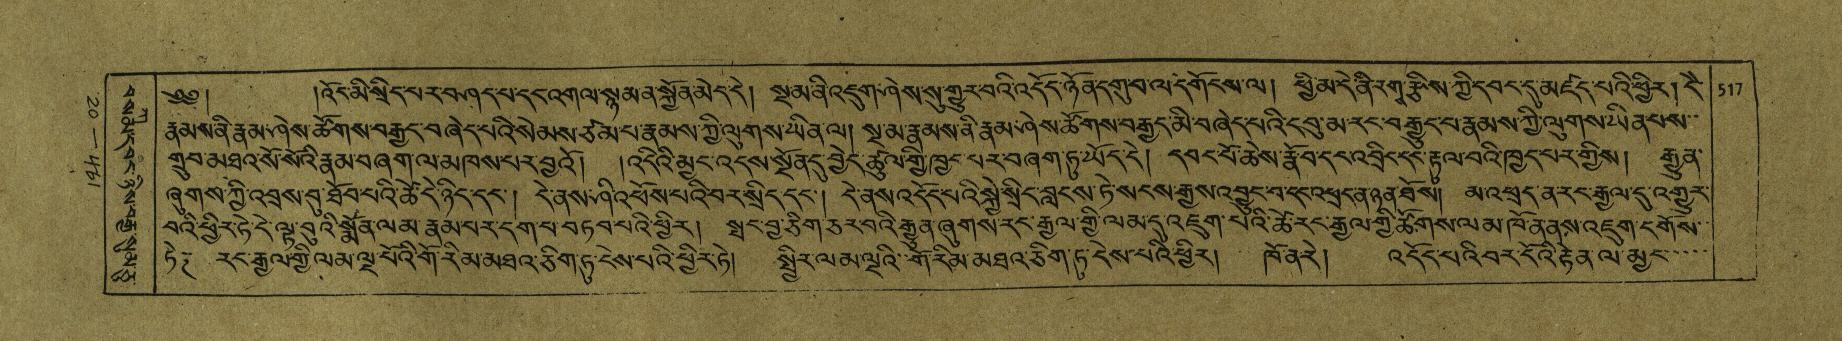༄༅། །འོང་མི་སྲིད་པར་བཤད་པ་དང་འགལ་སྙམ་ན་སྐྱོན་མེད་དེ། སྔ་མ་ནི་འཇུག་ཤེས་སུ་གྱུར་བའི་འདོད་ཉོན་དགུ་བ་ལ་དགོངས་ལ། ཕྱི་མ་དེ་ནི་རགས་རྩིས་ཀྱི་དབང་དུ་མཛད་པའི་ཕྱིར། དེ་
རྣམས་ནི་རྣམ་ཤེས་ཚོགས་བརྒྱད་བཞེད་པའི་སེམས་ཙམ་པ་རྣམས་ཀྱི་ལུགས་ཡིན་ལ། སྔ་མ་རྣམས་ནི་རྣམ་ཤེས་ཚོགས་བརྒྱད་མི་བཞེད་པའི་དབུ་མ་རང་བརྒྱུད་པ་རྣམས་ཀྱི་ལུགས་ཡིན་པས་
གྲུབ་མཐའ་སོ་སོའི་རྣམ་བཞག་ལ་མཁས་པར་བྱའོ། །འདིའི་མྱང་འདས་སྔོན་དུ་བྱེད་ཚུལ་གྱི་ཁྱད་པར་བཞག་ཏུ་ཡོད་དེ། དབང་པོ་ཆེས་རྣོ་བ་དང་འབྲིང་དང་རྟུལ་བའི་ཁྱད་པར་གྱིས། རྒྱུན་
ཞུགས་ཀྱི་འབྲས་བུ་ཐོབ་པའི་ཚེ་དེ་ཉིད་དང་། དེ་ནས་ཤི་འཕོས་པའི་བར་སྲིད་དང་། དེ་ནས་འདོད་པའི་སྐྱེ་སྲིད་བླངས་ཏེ་སངས་རྒྱས་འབྱུང་བ་དང་འཕྲད་ན་ཉན་ཐོས། མ་འཕྲད་ན་རང་རྒྱལ་དུ་འགྱུར་
བའི་ཕྱིར་ཏེ་དེ་ལྟ་བུའི་སྨོན་ལམ་རྣམ་པར་དག་པ་བཏབ་པའི་ཕྱིར། སྤང་བྱ་ཅིག་ཅར་བའི་རྒྱུན་ཞུགས་རང་རྒྱལ་གྱི་ལམ་དུ་འཇུག་པའི་ཚེ་རང་རྒྱལ་གྱི་ཚོགས་ལམ་ཁོ་ན་ནས་འཇུག་དགོས་
ཏེ༑ རང་རྒྱལ་གྱི་ལམ་ལྔ་པོའི་གོ་རིམ་མཐའ་ཅིག་ཏུ་ངེས་པའི་ཕྱིར་ཏེ། སྤྱིར་ལམ་ལྔའི་གོ་རིམ་མཐའ་ཅིག་ཏུ་ངེས་པའི་ཕྱིར། ཁོ་ན་རེ། འདོད་པའི་བར་ངོའི་རྟེན་ལ་མྱང་